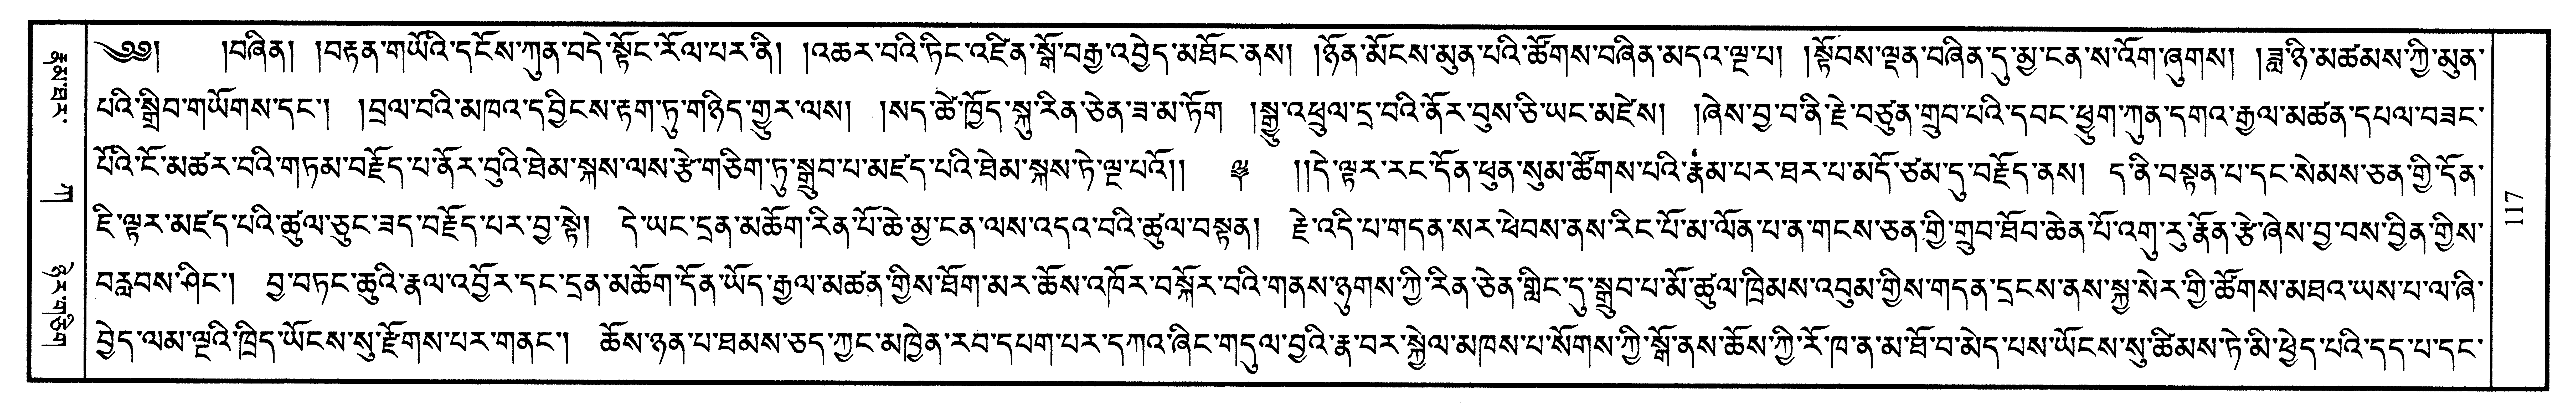༄༅། །བཞིན། །བརྟན་གཡོའི་དངོས་ཀུན་བདེ་སྟོང་རོལ་པར་ནི། །འཆར་བའི་ཏིང་འཛིན་སྒོ་བརྒྱ་འབྱེད་མཐོང་ནས། །ཉོན་མོངས་མུན་པའི་ཚོགས་བཞིན་མདའ་ལྔ་པ། །སྟོབས་ལྡན་བཞིན་དུ་མྱ་ངན་ས་འོག་ཞུགས། །ཟླ་ཉི་མཚམས་ཀྱི་མུན་
པའི་སྒྲིབ་གཡོགས་དང་། །བྲལ་བའི་མཁའ་དབྱིངས་རྟག་ཏུ་གཉིད་གྱུར་ལས། །སད་ཚེ་ཁྱོད་སྐུ་རིན་ཅེན་ཟ་མ་ཏོག །སྒྱུ་འཕྲུལ་དྲ་བའི་ནོར་བུས་ཅི་ཡང་མཛེས། །ཞེས་བྱ་བ་ནི་རྗེ་བཙུན་གྲུབ་པའི་དབང་ཕྱུག་ཀུན་དགའ་རྒྱལ་མཚན་དཔལ་བཟང་
པོའི་ངོ་མཚར་བའི་གཏམ་བརྗོད་པ་ནོར་བུའི་ཐེམ་སྐས་ལས་རྩེ་གཅིག་ཏུ་སྒྲུབ་པ་མཛད་པའི་ཐེམ་སྐས་ཏེ་ལྔ་པའོ།། ༈ །།དེ་ལྟར་རང་དོན་ཕུན་སུམ་ཚོགས་པའི་རྣམ་པར་ཐར་པ་མདོ་ཙམ་དུ་བརྗོད་ནས། ད་ནི་བསྟན་པ་དང་སེམས་ཅན་གྱི་དོན་
ཇི་ལྟར་མཛད་པའི་ཚུལ་ཅུང་ཟད་བརྗོད་པར་བྱ་སྟེ། དེ་ཡང་དྲན་མཆོག་རིན་པོ་ཆེ་མྱ་ངན་ལས་འདའ་བའི་ཚུལ་བསྟན། རྗེ་འདི་པ་གདན་སར་ཕེབས་ནས་རིང་པོ་མ་ལོན་པ་ན་གངས་ཅན་གྱི་གྲུབ་ཐོབ་ཆེན་པོ་འགུ་རུ་རྣོན་རྩེ་ཞེས་བྱ་བས་བྱིན་གྱིས་
བརླབས་ཤིང་། བྱ་བཏང་ཆུའི་རྣལ་འབྱོར་དང་དྲན་མཆོག་དོན་ཡོད་རྒྱལ་མཚན་གྱིས་ཐོག་མར་ཆོས་འཁོར་བསྐོར་བའི་གནས་ཉུགས་ཀྱི་རིན་ཅེན་གླིང་དུ་སྒྲུབ་པ་མོ་ཚུལ་ཁྲིམས་འབུམ་གྱིས་གདན་དྲངས་ནས་སྐྱ་སེར་གྱི་ཚོགས་མཐའ་ཡས་པ་ལ་ཞི་
བྱེད་ལམ་ལྔའི་ཁྲིད་ཡོངས་སུ་རྫོགས་པར་གནང་། ཆོས་ཉན་པ་ཐམས་ཅད་ཀྱང་མཁྱེན་རབ་དཔག་པར་དཀའ་ཞིང་གདུལ་བྱའི་རྣ་བར་སྐྱེལ་མཁས་པ་སོགས་ཀྱི་སྒོ་ནས་ཆོས་ཀྱི་རོ་ཁ་ན་མ་ཐོ་བ་མེད་པས་ཡོངས་སུ་ཚིམས་ཏེ་མི་ཕྱེད་པའི་དད་པ་དང་